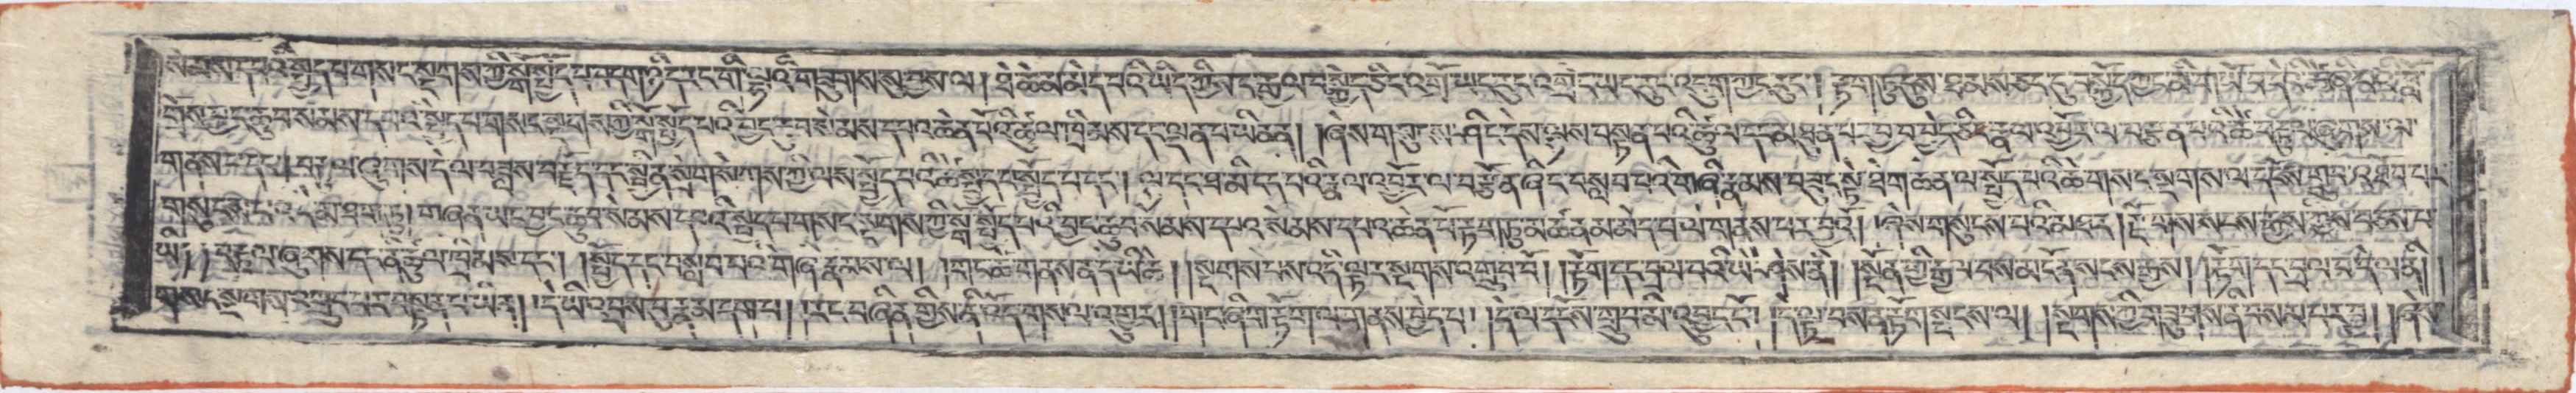སེམས་དཔའི་སྤྱད་པ་གསང་སྔགས་ཀྱི་སྒོ་སྤྱོད་པ་བདག་ཉིད་རང་གི་ལྷའི་གཟུགས་སུ་བྱས་ལ། ཐེ་ཚོམ་མེད་པའི་ཡིད་ཀྱིས་ང་རྒྱལ་བསྐྱེད་ཅིང་འགྲོ་ཡང་རུང་འགྲེང་ཡང་རུང་འདུག་ཀྱང་རུང་། རྟག་ཏུ་དུས་ཐམས་ཅད་དུ་བསྐྱོད་ཀྱང་མི་གཡོ་བ་དེའི་ཚེ་ཞི་བའི་བློ་
གྲོས་བྱང་ཆུབ་སེམས་དཔའི་སྤྱད་པ་གསང་སྔགས་ཀྱི་སྒོ་སྤྱོད་པའི་བྱང་ཆུབ་སེམས་དཔའ་ཆེན་པོའི་ཚུལ་ཁྲིམས་དང་ལྡན་པ་ཡིན་ན། །ཞེས་གསུངས་ཤིང་དེས་ལྷས་བསྟན་པའི་ཚུལ་དང་མཐུན་པར་བྱ་བ་བྱེད་ཅིང་རྣལ་འབྱོར་ལ་བརྩོན་པའི་ཚེ་བརྟུལ་ཞུགས་ལ་
གནས་པ་དང་། བརྟུལ་ཞུགས་དེ་ལ་བཟླས་བརྗོད་དང་སྦྱིན་སྲེག་སོགས་ཀྱི་ལས་སྤྱོད་པའི་ཚེ་སྤྱད་པ་སྤྱོད་པ་དང་། ལྷ་དང་ཐ་མི་དད་པའི་རྣལ་འབྱོར་ལ་བརྩོན་ཞིང་བསླབ་པའི་གཞི་རྣམས་བཟུང་སྟེ་ཐེག་ཆེན་ལ་སྤྱོད་པའི་ཆེ་གསང་སྔགས་ལ་དངོས་གྲུབ་འཐོབ་པར་
གསུངས་པའི་དེ་མ་ཐག་ཏུ། གཞན་ཡང་བྱང་ཆུབ་སེམས་དཔའི་སྤྱད་པ་གསང་སྔགས་ཀྱི་སྒོ་སྤྱོད་པའི་བྱང་ཆུབ་སེམས་དཔའ་སེམས་དཔའ་ཆེན་པོ་རྟག་ཏུ་མཚན་མ་མེད་པ་ལ་གནས་པར་བྱའོ། །ཞེས་གསུངས་པའི་མཐར། རྫོགས་སངས་རྒྱས་ཀྱིས་བཅས་པ་
ཡི༑ ༑བརྟུལ་ཞུགས་དང་ནི་ཚུལ་ཁྲིམས་དང་། །སྤྱོད་དང་བསླབ་པའི་གཞི་རྣམས་ལ། །གང་ཚེ་གནས་ན་དེ་ཡི་ཚེ། །སྔགས་པས་འདི་ལྟར་སྔགས་འགྲུབ་བོ། །རྟོག་དང་བྲལ་བའི་ཡེ་ཤེས་ནི། །སྔོན་གྱི་རྒྱལ་བས་མངོན་སངས་རྒྱས། །རྟོག་དང་བྲལ་བ་དེ་ལ་ནི། །
གསང་སྔགས་འགྲུབ་པར་བསྟན་པ་ཡིན། །དེ་ཡི་འབྲས་བུ་རྣམ་དག་པ། །རང་བཞིན་གྱིས་ནི་འོད་གསལ་འགྱུར། །གང་ཞིག་རྟོག་ལ་གནས་བྱེད་པ། །དེ་ལ་དངོས་གྲུབ་མི་འབྱུང་ངོ། །དེ་ལྟ་བས་ན་རྟོག་སྤངས་ལ། །སྔགས་ཀྱི་གཟུགས་ནི་བསམ་པར་བྱ། །ཞེས་